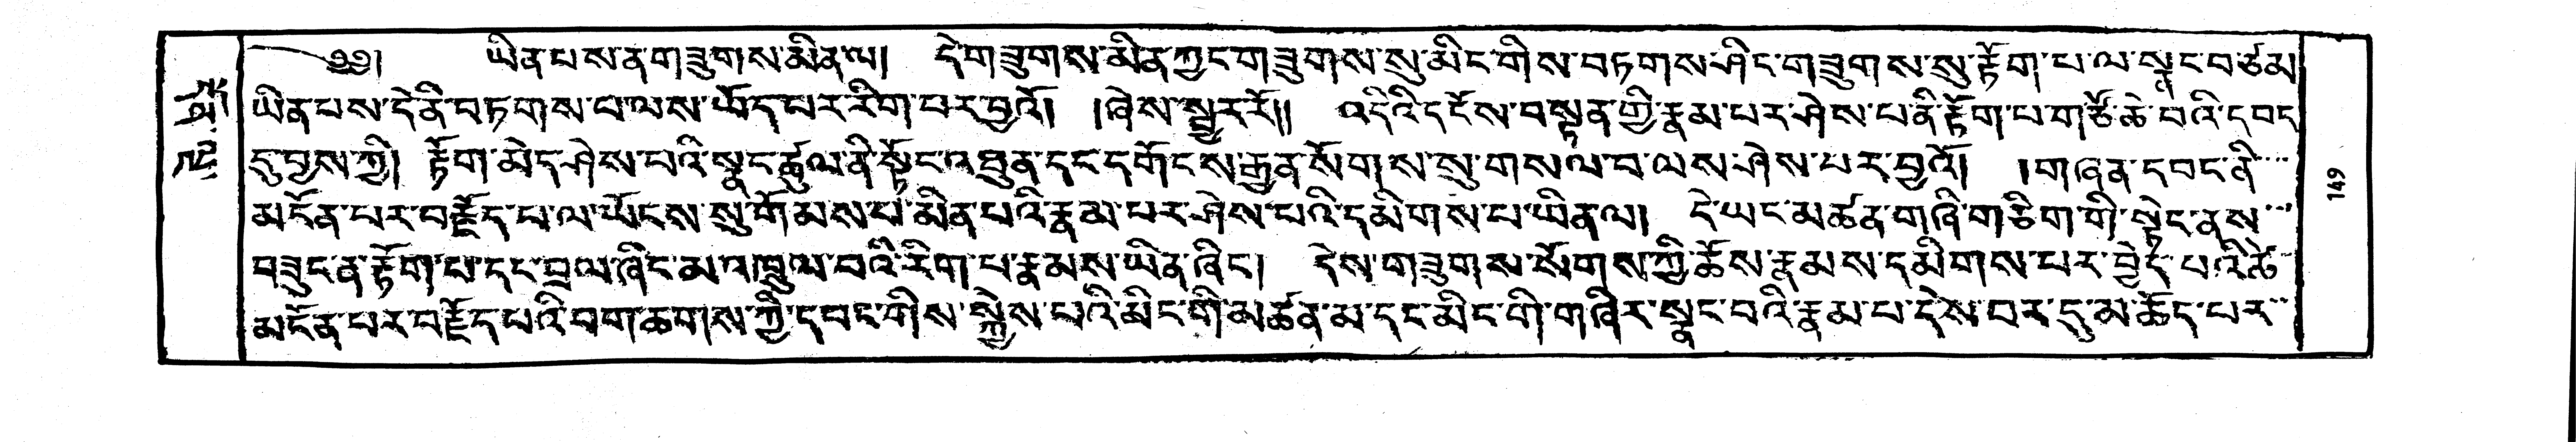༄༅། །ཡིན་པས་ན་གཟུགས་མིན་ལ། དེ་གཟུགས་མིན་ཀྱང་གཟུགས་སུ་མིང་གིས་བཏགས་ཤིང་གཟུགས་སུ་རྟོག་པ་ལ་སྣང་བ་ཙམ་
ཡིན་པས་དེ་ནི་བཏགས་པ་ལས་ཡོད་པར་རིག་པར་བྱའོ། །ཞེས་སྦྱར་རོ། །འདིའི་དངོས་བསྟན་གྱི་རྣམ་པར་ཤེས་པ་ནི་རྟོག་པ་གཙོ་ཆེ་བའི་དབང་
དུ་བྱས་ཀྱི། རྟོག་མེད་ཤེས་པའི་སྣང་ཚུལ་ནི་སྟོང་འཐུན་དང་དགོངས་རྒྱན་སོགས་སུ་གསལ་བ་ལས་ཤེས་པར་བྱའོ། །གཞན་དབང་ནི་
མངོན་པར་བརྗོད་པ་ལ་ཡོངས་སུ་གོམས་པ་མིན་པའི་རྣམ་པར་ཤེས་པའི་དམིགས་པ་ཡིན་ལ། དེ་ཡང་མཚན་གཞི་གཅིག་གི་སྟེང་ནས་
བཟུང་ན་རྟོག་པ་དང་བྲལ་ཞིང་མ་འཁྲུལ་བའི་རིག་པ་རྣམས་ཡིན་ཞིང་། དེས་གཟུགས་སོགས་ཀྱི་ཆོས་རྣམས་དམིགས་པར་བྱེད་པའི་ཚེ་
མངོན་པར་བརྗོད་པའི་བག་ཆགས་ཀྱི་དབང་གིས་སྐྱེས་པའི་མིང་གི་མཚན་མ་དང་མིང་གི་གཞིར་སྣང་བའི་རྣམ་པ་དེས་བར་དུ་མ་ཆོད་པར་